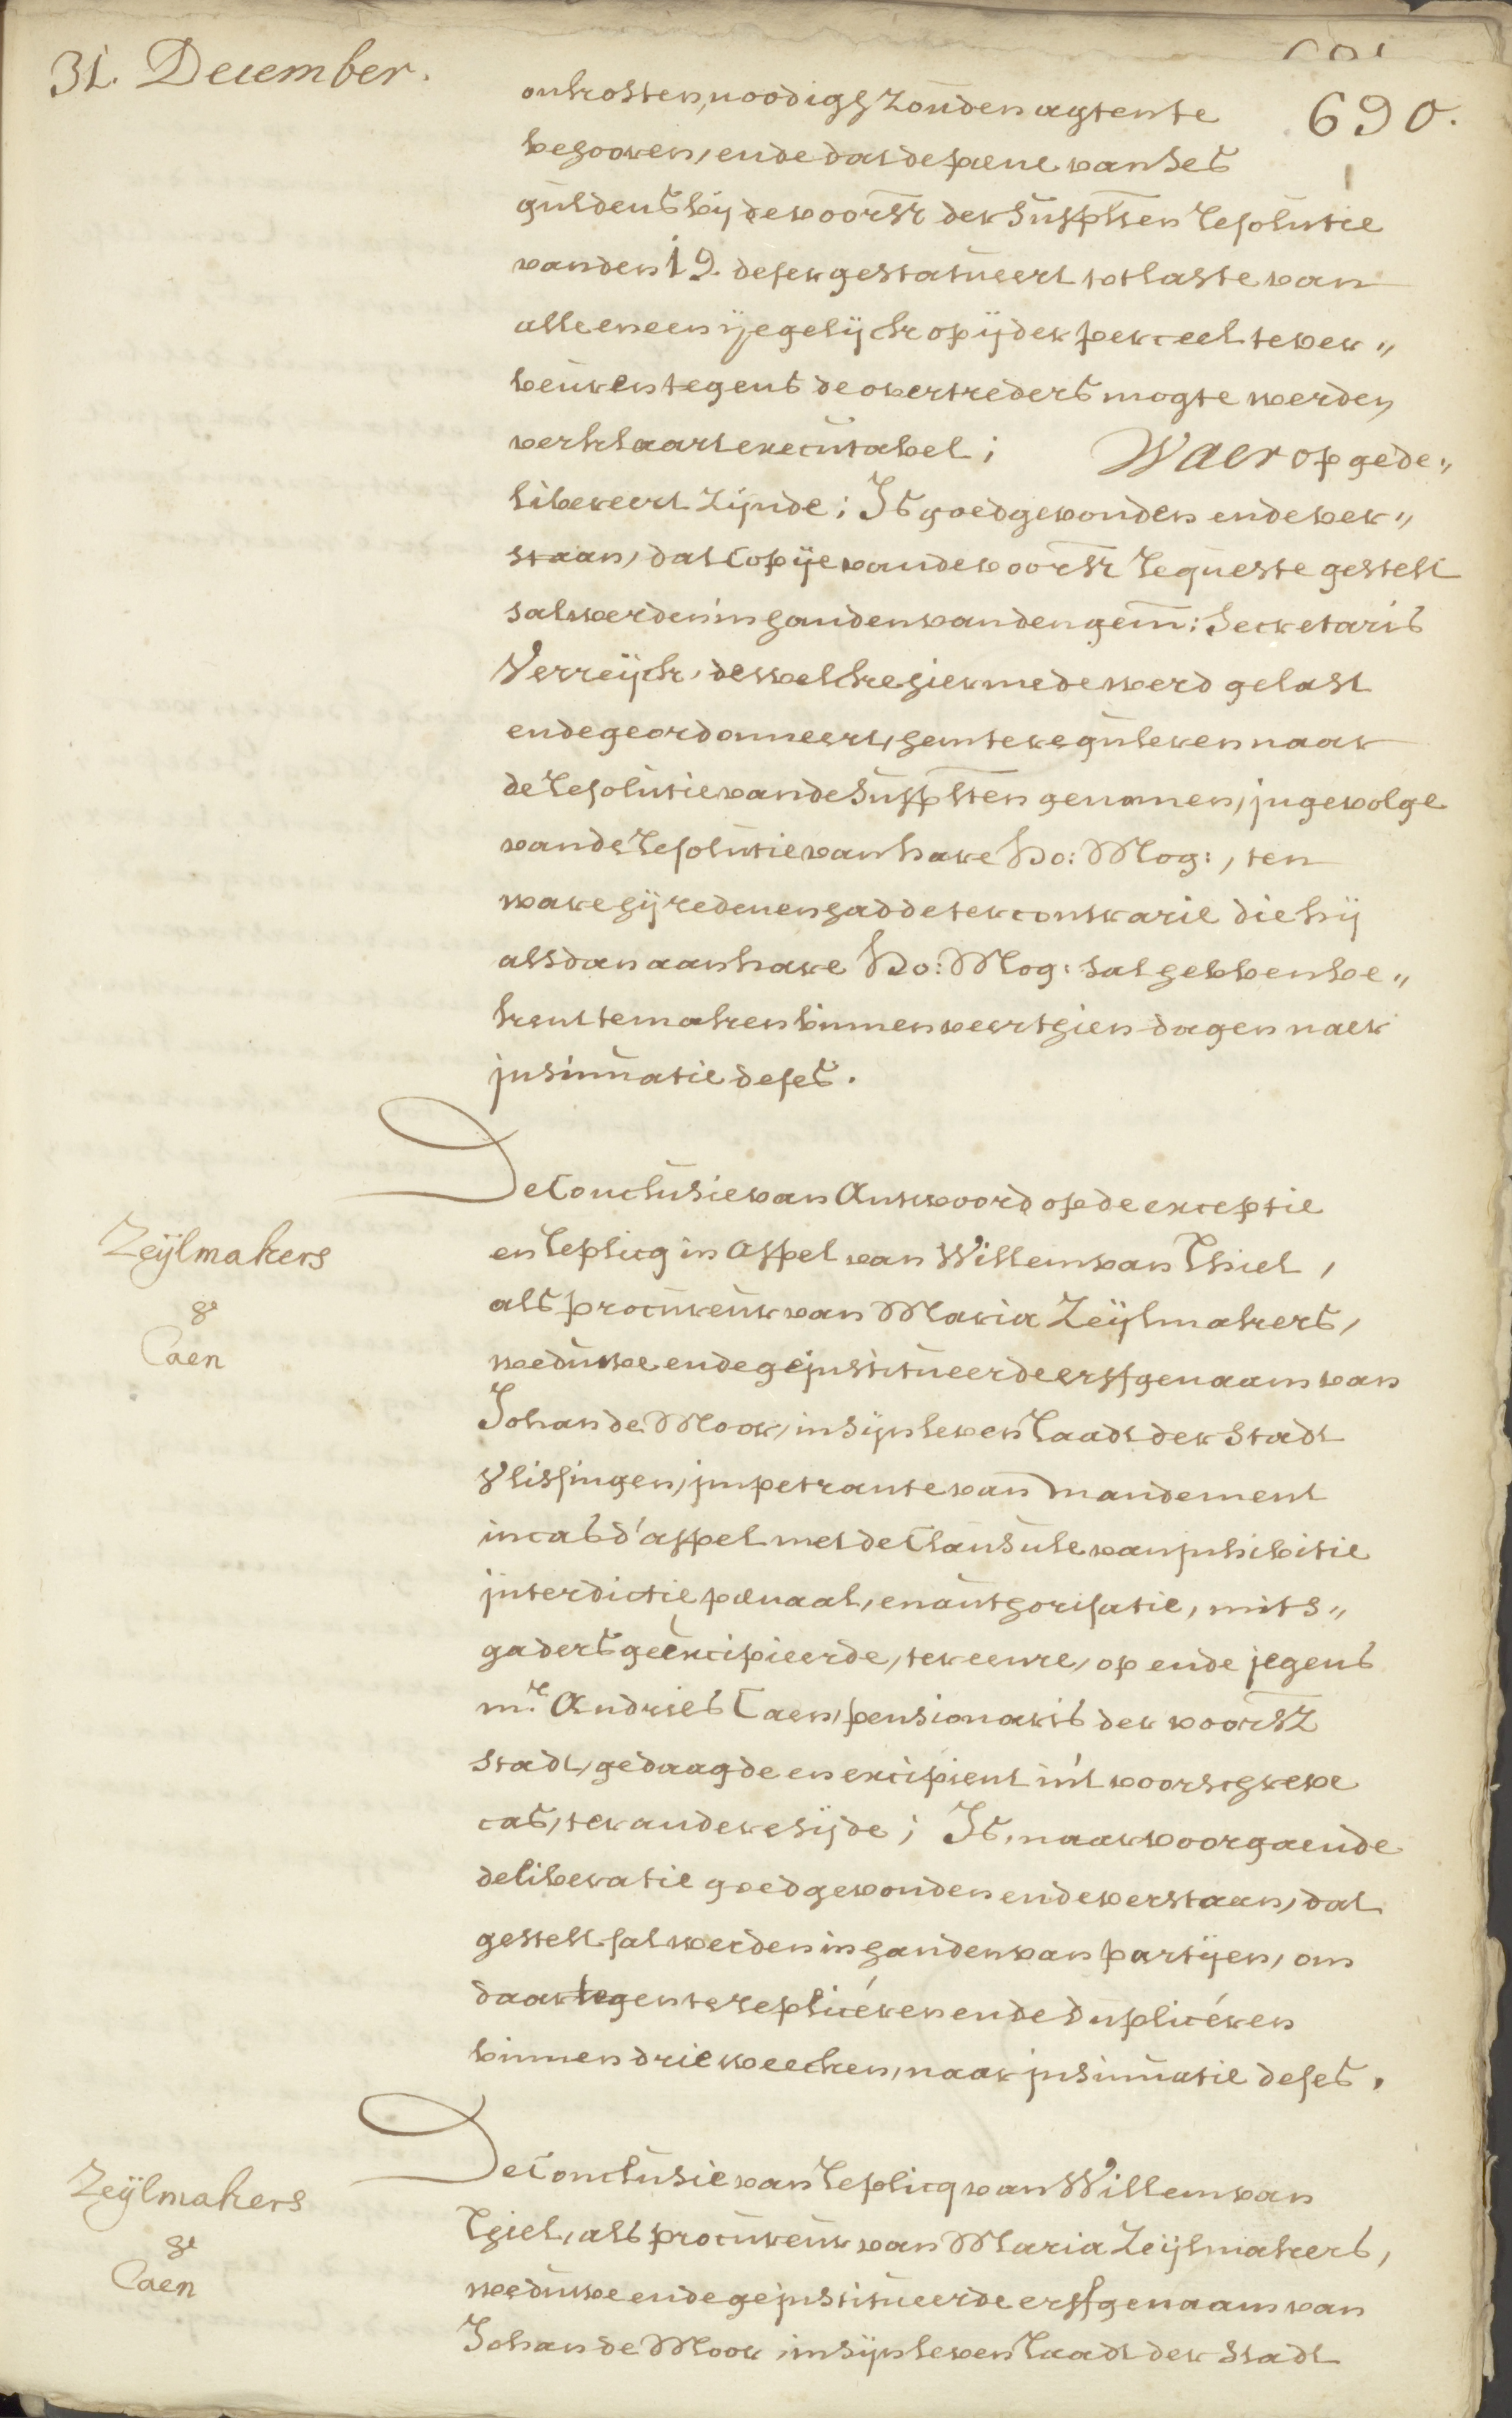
690.
31. December.
onkosten noodigh zouden agten te
behooren, ende dat de pene van ses
guldens bij de voorsz der supplten resolutie
vanden 19. deser gestatueert tot laste van
alle en een ijegelijck opijder perceel te ver„
beuren tegens de overtreders mogte werden
verklaart executabel: Waerop gede„
libereert zijnde: Is goedgevonden ende ver„
staan, dat copije vande voorsz requeste gestelt
sal werden in handen vanden gem: secretaris
Verreijck, de welcke hiermede werd gelast
ende geordonneert, hem te reguleren naar
de resolutie vande supplten genomen, ingevolge
vande resolutie van hare Ho:Mog:, ten
ware hij redenen hadde ter contrarie die hij
alsdan aan hare Ho:Mog: sal hebben be„
kent te maken binnen veerthien dagen naer
insinuatie deses.
Zijlmakers
ca
Caen
De Conclusie van Antwoord op de exceptie
en Replicq in appel van Willem van Thiel,
als procureur van Maria Zeijlmakers,
weduwe ende geinstitueerde erffgenaam van
Johan de Moor, in sijn leven Raadt der stadt
Vlissingen, impetrante van mandement
in cas d'appel met de clausule van inhibitie
interdictie penaal, en authorisatie, mits„
gaders geexcipieerde, ter eenre, op ende jegens
mr. Andries Caen, pensionaris der voorsz
stadt, gedaagde en excipient in't voorschreve
cas, ter andere sijde; Is naar voorgaende
deliberatie goedgevonden ende verstaan, dat
gestelt sal werden in handen van partijen, om
daartegen te repliceren ende dupliceren
binnen drie weecken, naar insinuatie deses,
Zeijlmakers
ca
Caen
De conclusie van replicq van Willem van
Thiel, als procureur van Maria Zeijlmakers,
weduwe ende geinstitueerde erffgenaam van
Johan de Moor, in sijn leven raadt der stadt
